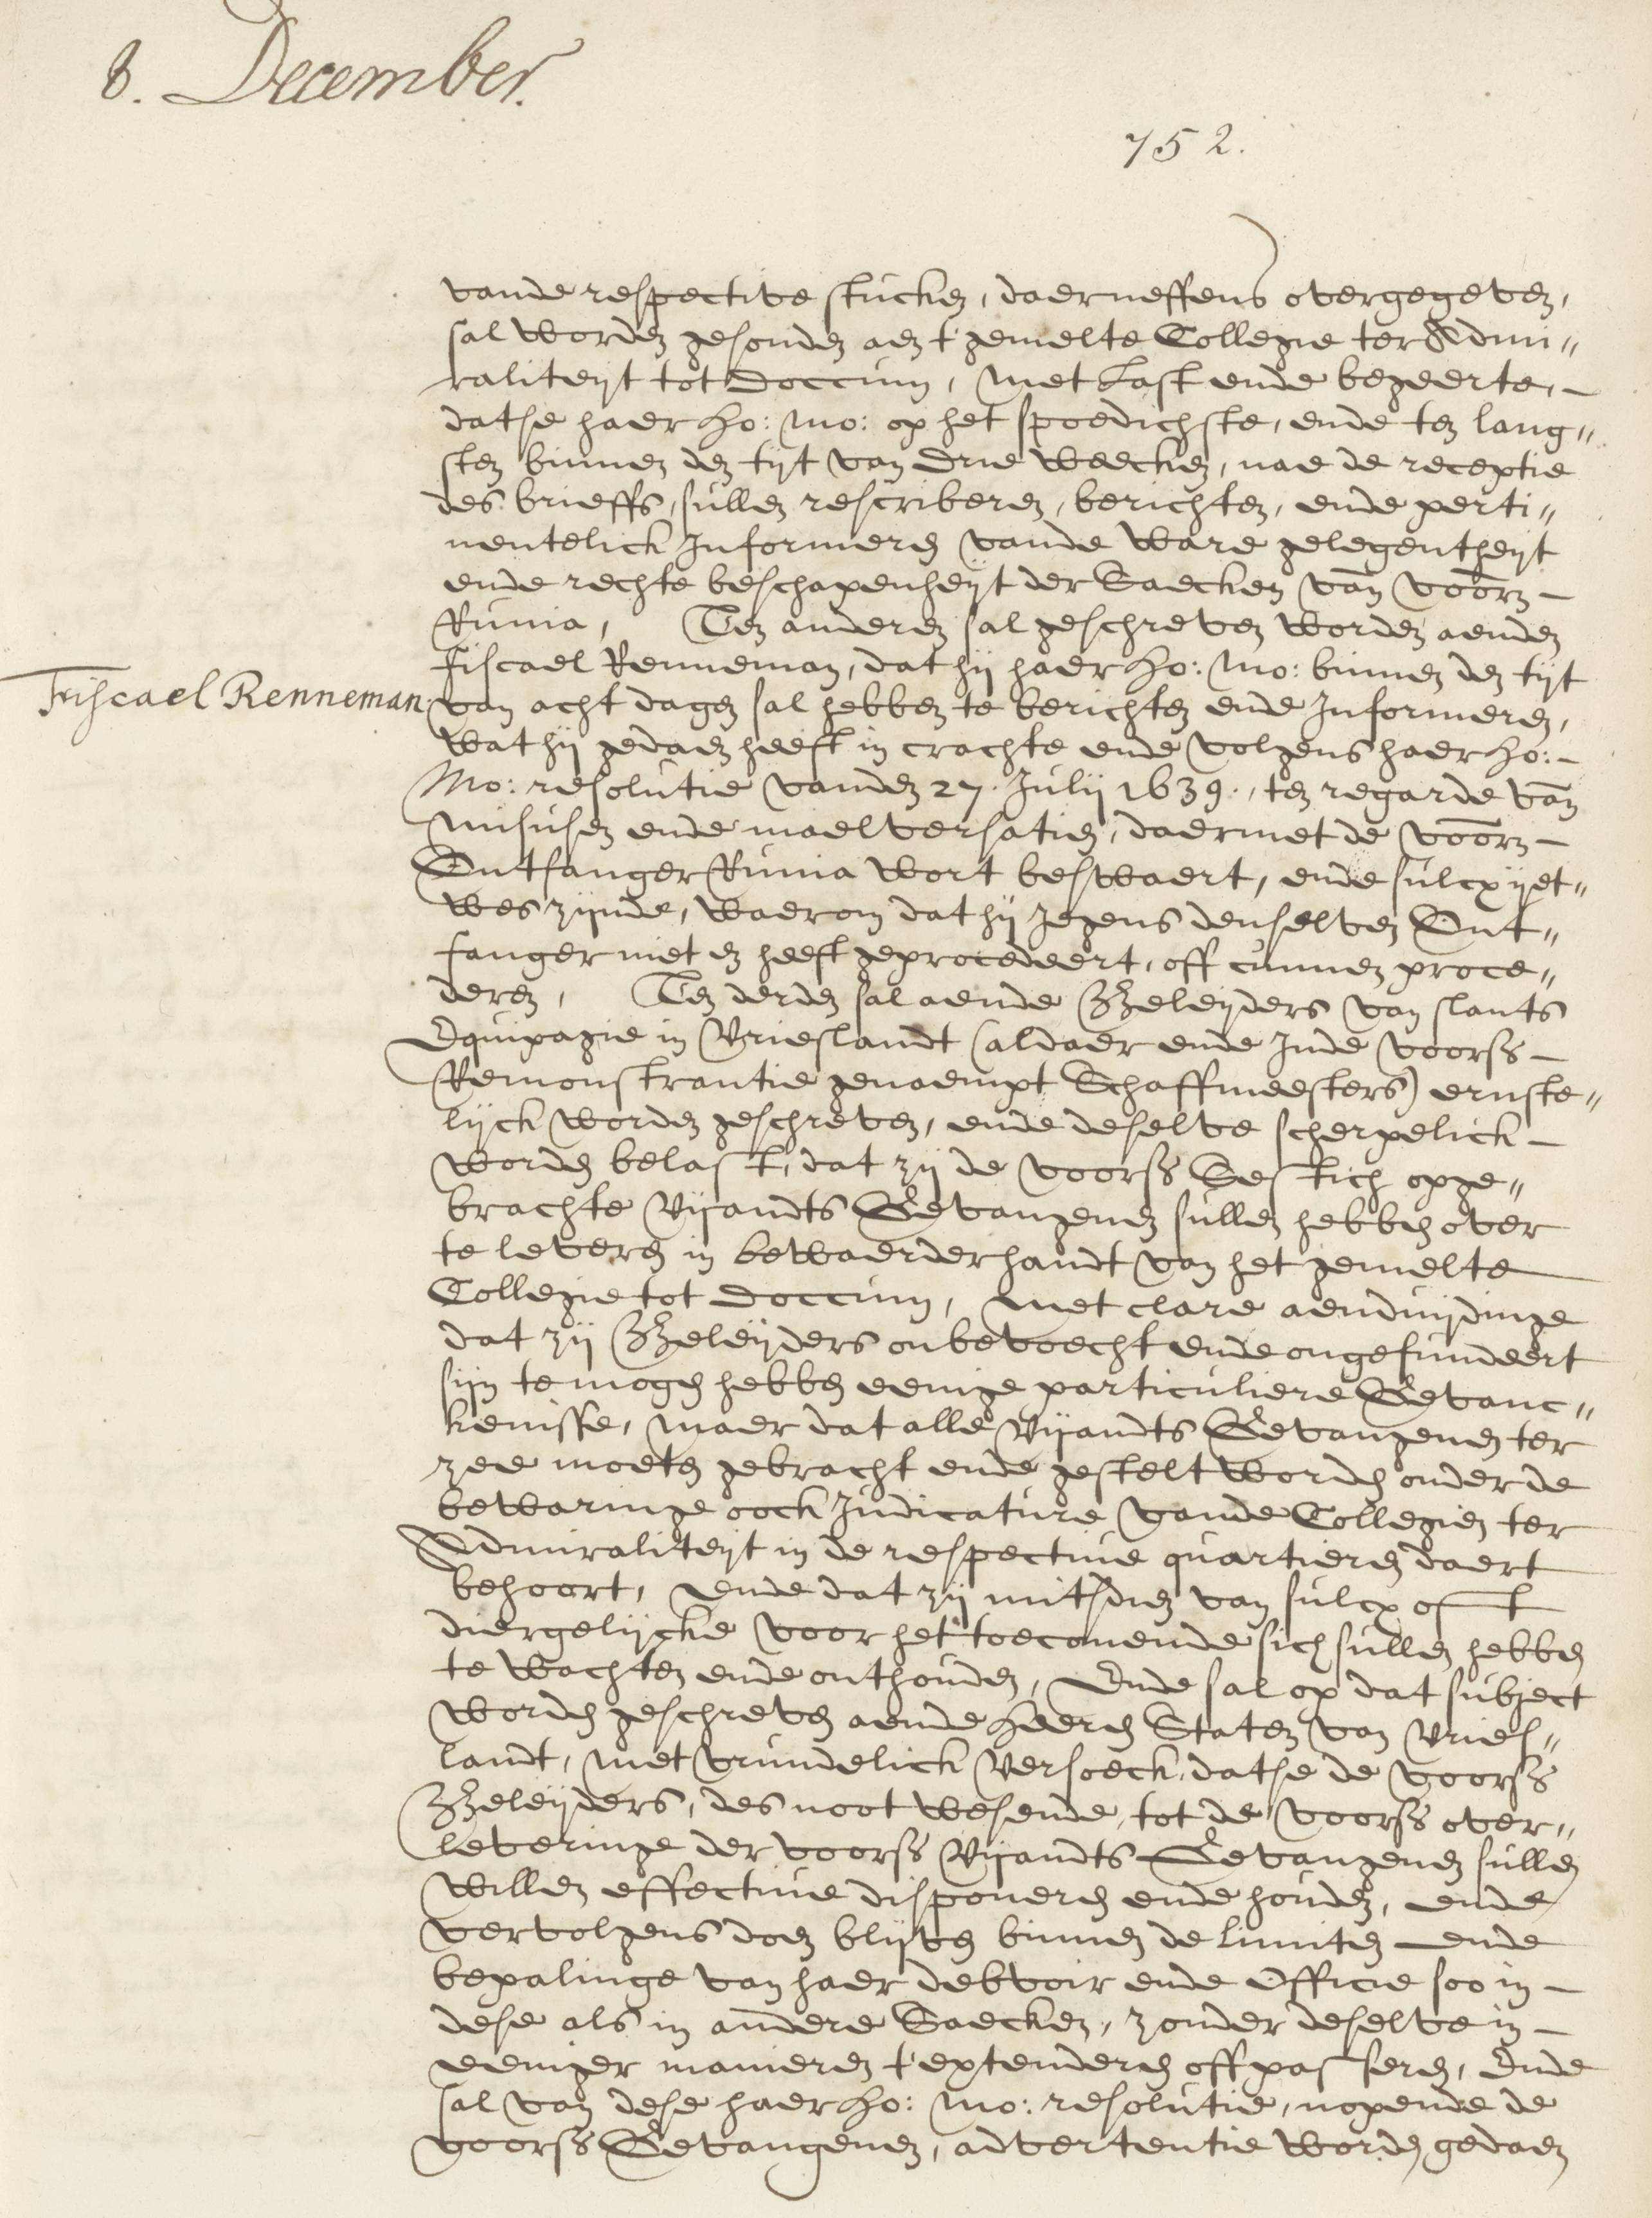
752.
8. December.
Fiscael Renneman
vande respective stucken, daerneffens overgegeven
sal worden gesonden aen t'gemelte Collegie ter Admi„
raliteijt tot doccum, met Last ende begeerte -
datse haer Ho:Mo: op het spoedichste ende ten lang„
sten binnen den tijt van drie weecken, nae de receptie
des brieffs, sullen rescriberen, berichten ende perti„
nentelick Informeren vande ware gelegentheijt
ende rechte beschapenheijt der Saecken van voorn -
Runia. Ten anderen sal geschreevn worden aenden
fiscael Renneman, dat hij haer Ho:Mo: binnen den tijt
van acht dagen sal hebben te berichten ende Informeren,
wat hij gedaen heeft in crachte ende volgens haer Ho: -
Mo: resolutie vanden 27 Julij 1639, ten regarde van
misusen ende maelversatien, daermet de voorn —
Ontfanger Runia wort beswaert, ende sulcx ijet„
wes zijnde, waerom dat hij Jegens denselven Ont„
fanger niet en heeft geprocedeert, off cunnen proce„
deren. Ten derden sal aende Beleijders van slants
Equipagie in Vrieslandt (aldaer ende Inde voorsz —
Remonstrantie genaempt Schaffmeesters) ernste„
lijck worden geschreven, ende deselve scherpelick —
worden belast, dat zij de voorsz Sestich opge„
brachte vijandts Gevangenen sullen hebben over
te leveren in bewaerderhant van het gemelte
Collegie tot doccum, met clare aenduijdinge
dat zij Beleijders onbevoecht ende ongefundeert
sijn te mogen hebben eenige particuliere Gevanc„
kenisse, maer dat alle vijandts Gevangenen ter
zee moeten gebracht ende gestelt worden onder de
bewaringe oock Judicature vande Collegien ter
Admiraliteijt in de respective quartieren daert
behoort, ende dat zij mitsdien van sulcx oft
diergelijcke voor het toecomende sich sullen hebben
te wachten ende onthouden. Ende sal op dat subject
worden geschreven aende heeren Staten van Vries„
landt, met vrundelick versoeck datse de voorsz
Beleijders, des noot wesende tot de voorsz over„
leveringe der voorsz vijandts Gevangenen sullen
willen effectiue disponeren ende houden, ende
vervolgens doen blijven binnen de limiten ende
bepalinge van haer debvoir ende officie soo in —
dese als in andere Saecken, zonder deselve in —
eeniger manieren t'extenderen off passeren. Ende
sal van dese haer Ho:Mo: resolutie, nopende de
voorsz Gevangenen, advertentie worden gedaen
